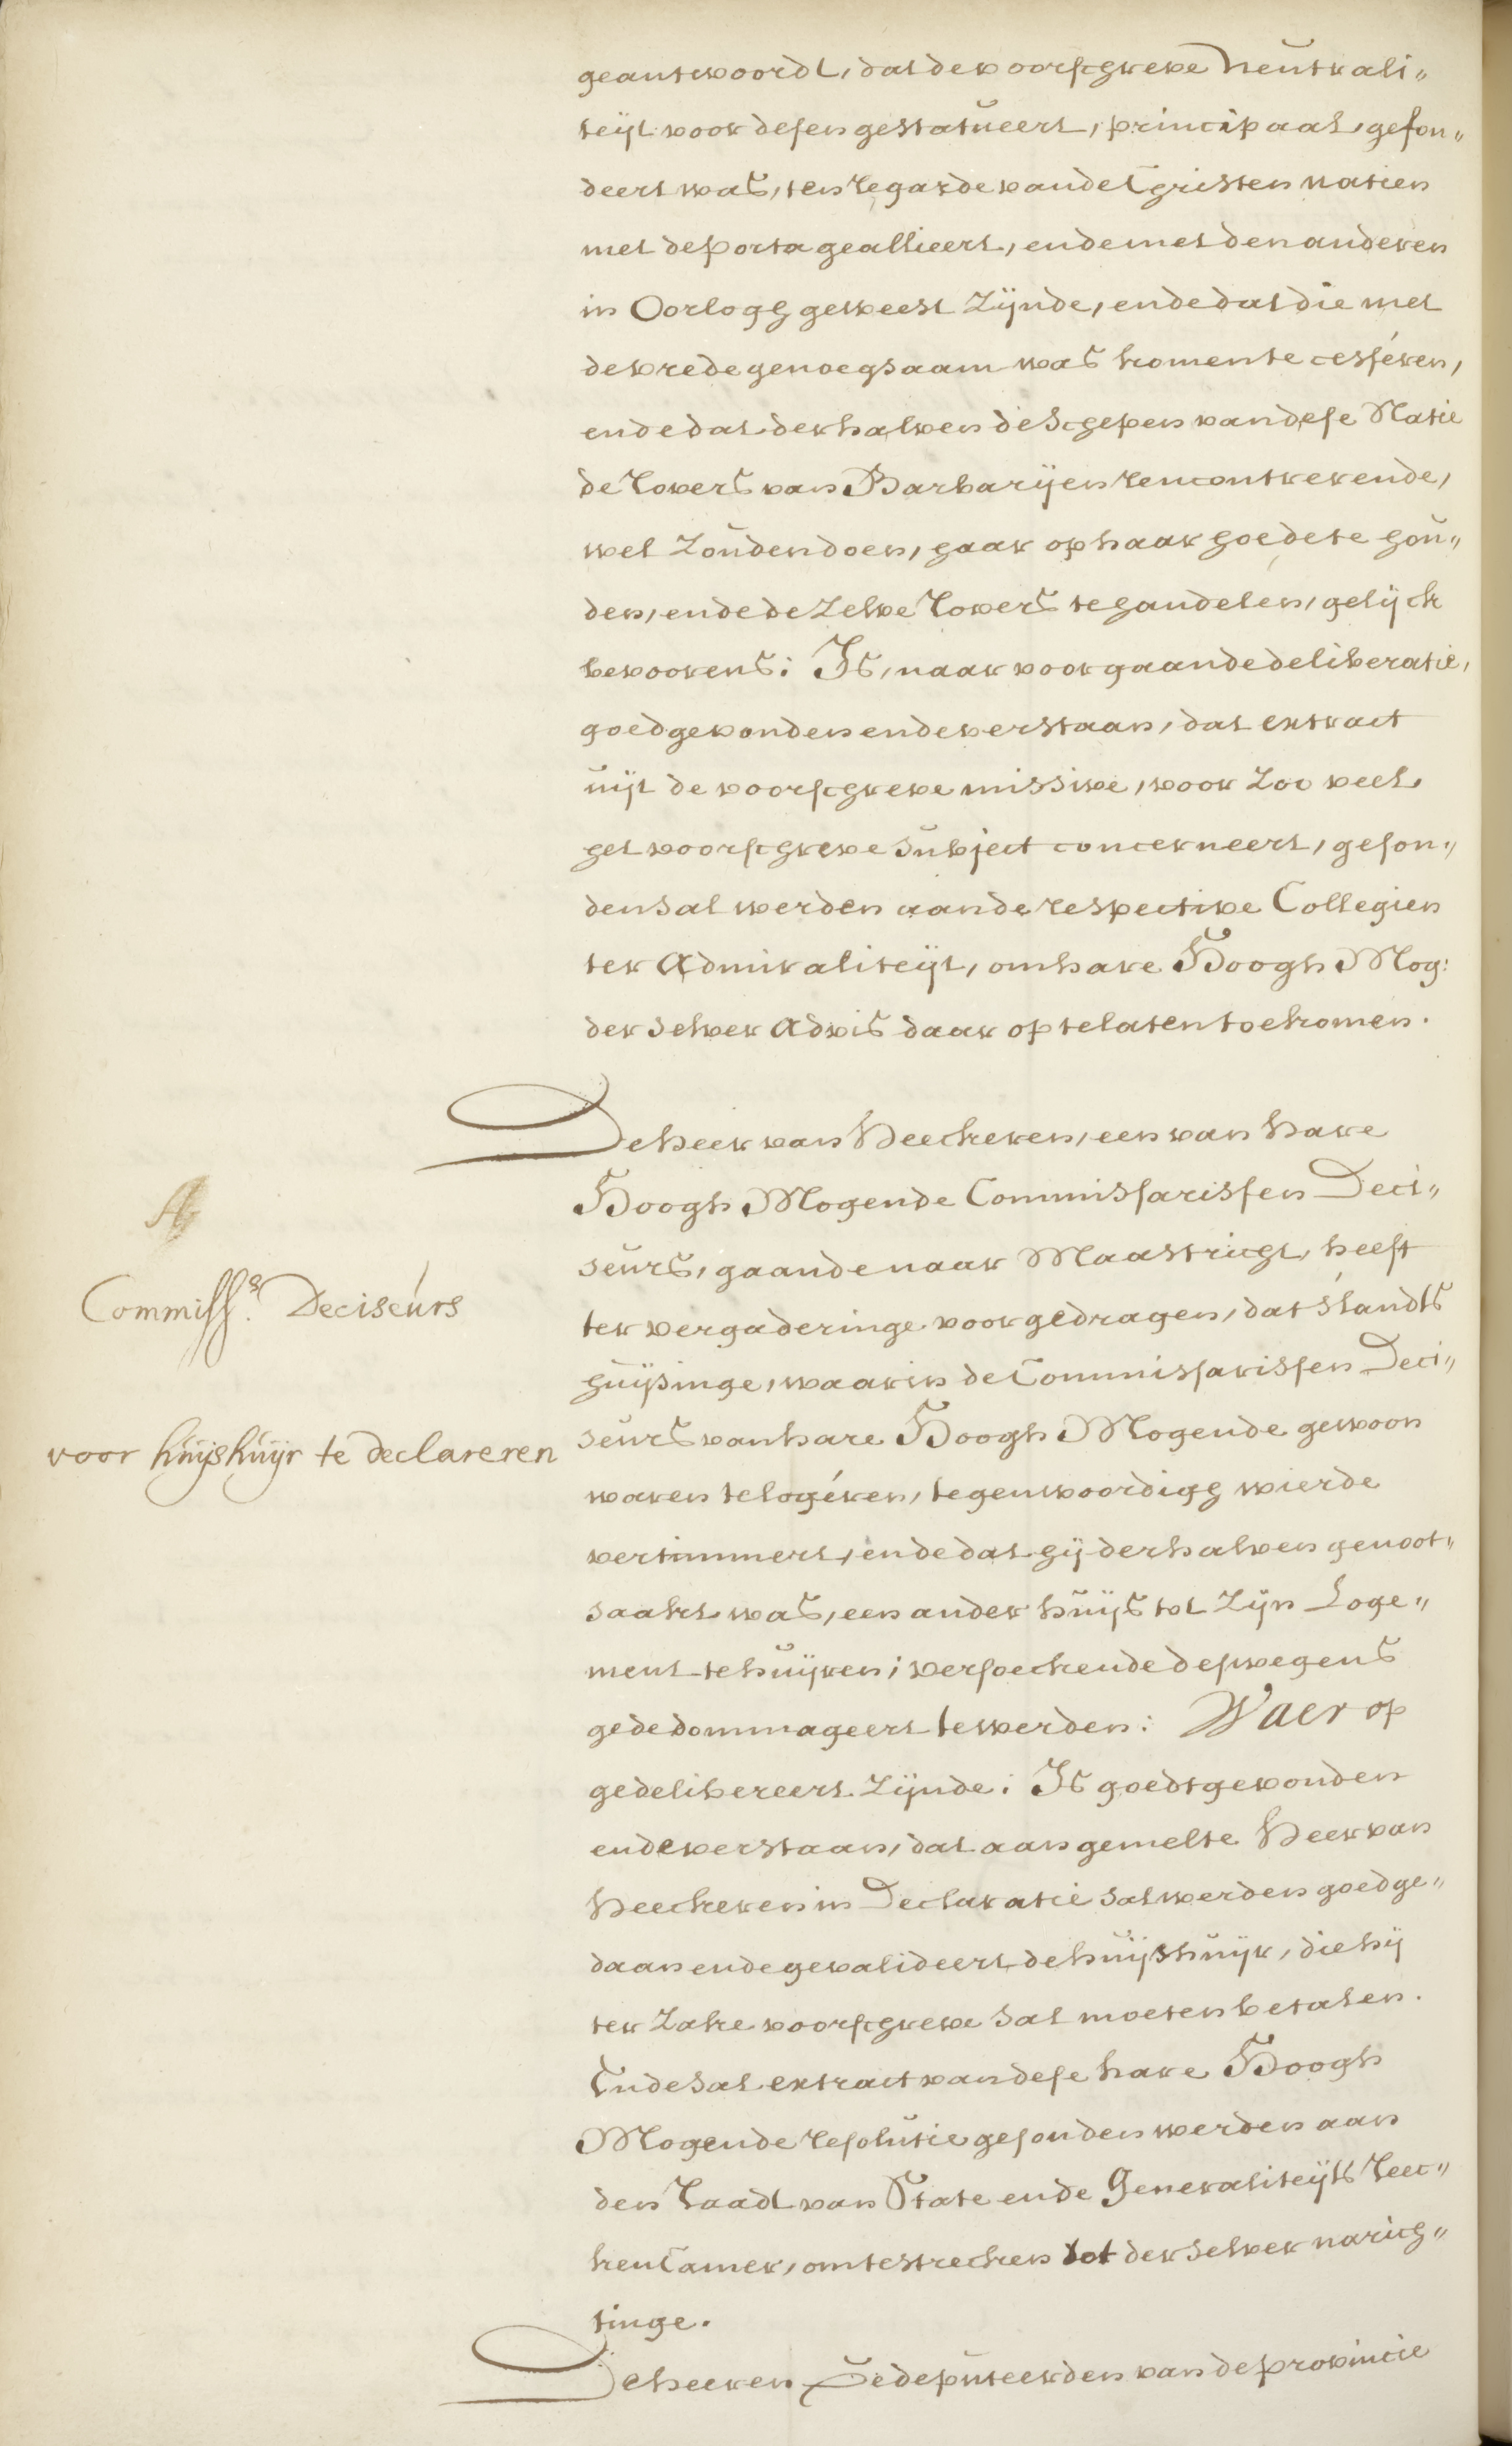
geantwoordt, dat de voorschreve Neutrali„
teijt voor desen gestatueert, principaal gefon„
deert was, ten regarde vande Christen natien
met deporta geallieert, ende met den anderen
in Oorlogh geweest zijnde, ende dat die met
de vrede genoegsaam was komen te cesseren,
ende dat derhalven de schepen van dese Natie
de Rovers van Barbarijen rencontrerende,
wel zouden doen, haar op haar hoede te hou„
den, ende dezelve Rovers te handelen, gelijck
bevoorens: Is, naar voorgaande deliberatie,
goedgevonden ende verstaan, dat extract
uijt de voorschreve missive, voor zoo veel
het voorschreve subject concerneert, geson„
den sal werden aan de respective Collegien
ter Admiraliteijt, om hare Hoogh Mog:
der selver Advis daar op te laten toekomen.
Commisss. Deciseurs
voor huijshuijr te declareren
De heer van Heeckeren, een van hare
Hoogh Mogende Commissarissen Deci„
seurs, gaande naar Maastricht, heeft
ter vergaderinge voorgedragen, dat s‛landts
huijsinge, waarin de Commissarissen Deci„
seurs van hare Hoogh Mogende gewoon
waren te logéren, tegenwoordigh wierde
vertimmert, ende dat hij derhalven genoot„
saakt was, een ander huijs tot zijn Loge„
ment te huijren; versoeckende deswegens
gededommageert te werden: Waerop
gedelibereert zijnde: Is goedtgevonden
ende verstaan, dat aangemelte Heer van
Heeckeren in Declaratie sal werden goedge„
daan ende gevalideert de huijshuijr, die hij
ter zake voorschreve sal moeten betalen.
Ende sal extract van dese hare Hoogh
Mogende resolutie gesonden werden aan
den Raadt van State ende Generaliteijts Reec„
kenCamer, om te strecken tot derselver narich„
tinge.
De heeren Gedeputeerden van de provincie
